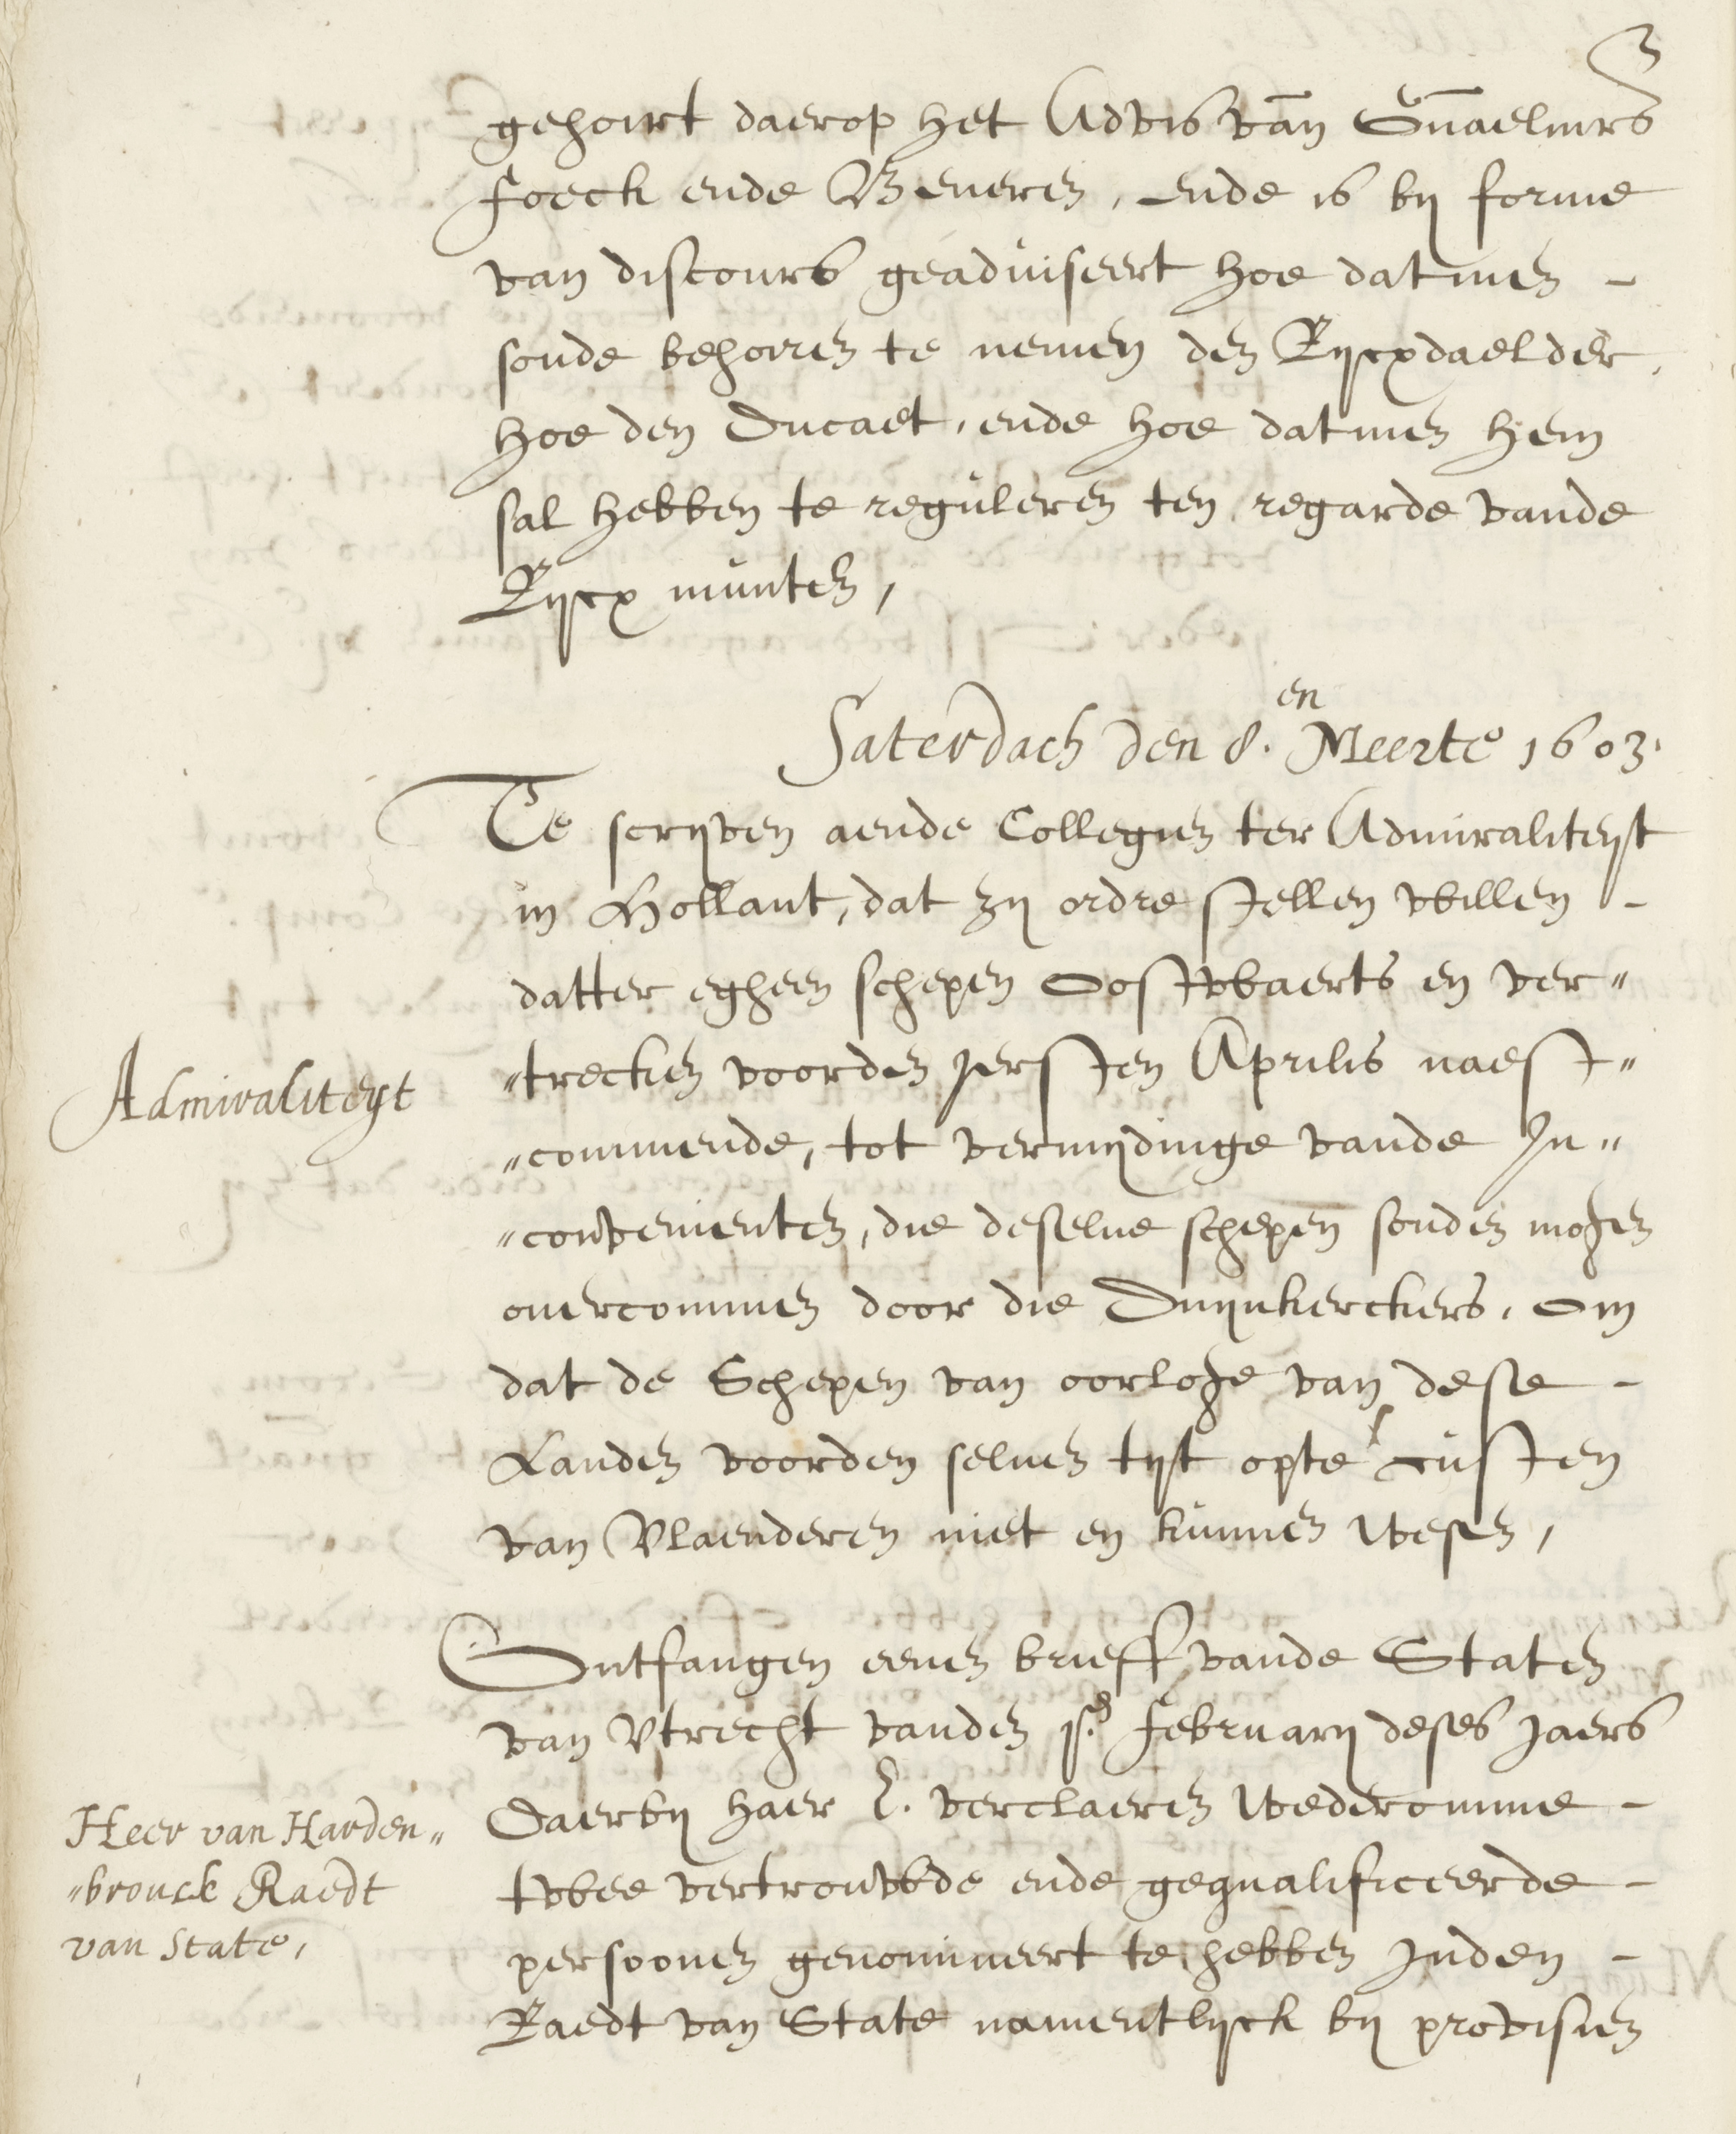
gehoirt daerop het advis van Gnaelmrs
Foeck ende Beueren, ende is bij forme
van discours geaduiseert hoe dat men -
soude behoiren te nemen den Rycxdaelder,
hoe den Ducaet, ende hoe dat men hem
sal hebben te reguleren ten regarde vande
Rycxmunten.
Saterdach den 8en. Meerte 1603.
Admiraliteyt
Te scryven aende Collegien ter Admiraliteyt
in Hollant, dat zy ordre stellen willen -
datter egheen schepen Oostwaerts en ver„
„trecken voorden Iersten Aprilis naest„
„commende, tot vermydinge vande In„
,convenienten, die deselue schepen souden mogen
ouercommen door die Duynkerckers, om
dat de Schepen van oorloge van dese
Landen voorden seluen tyt opte custen
van Vlaenderen niet en kunnen wesen.
Heer van Harden,,
,,brouck Raedt
van State.
Ontfangen eenen brieff vande Staten
van Utrecht vanden 1en february deses jaers
Daerby haer E. verclaeren wederomme -
twee vertrouwde ende gequalificeerde
persoonen genomineert te hebben Inden -
Raedt van State namentlyck by provisien
